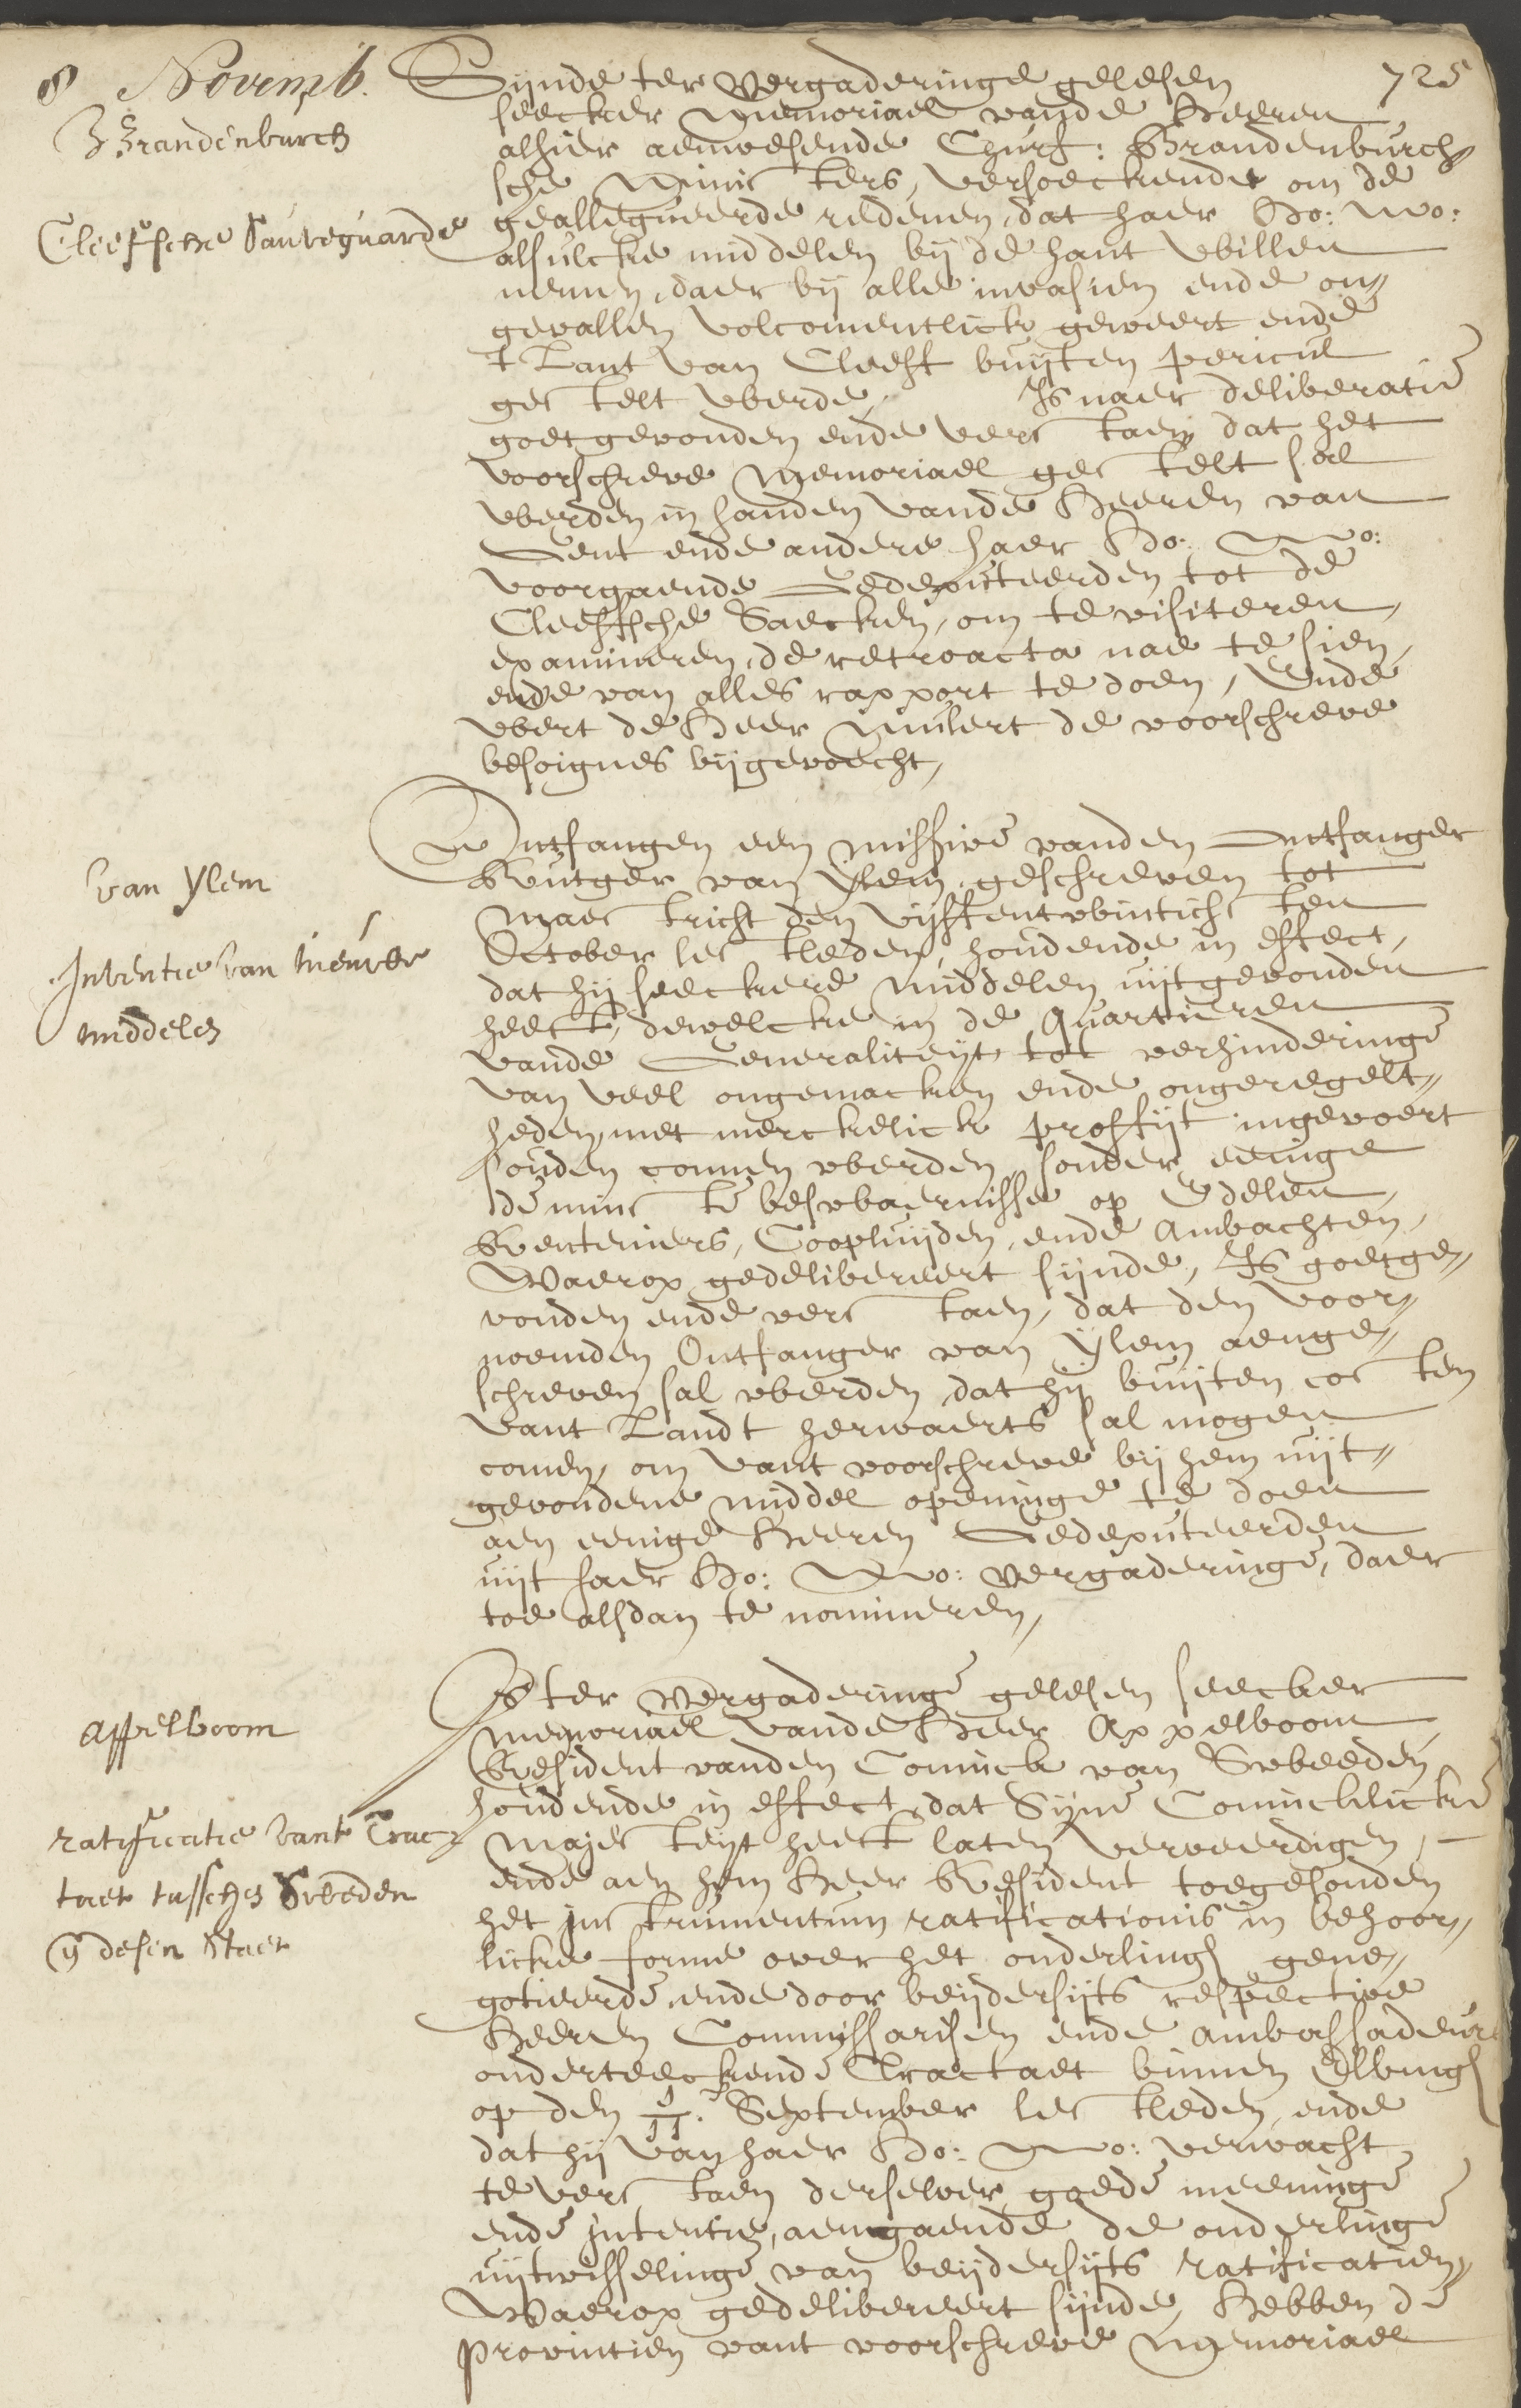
725
8 Novemb.
Brandenburch
Cleefsche Sauveguarde
Sijnde ter Vergaderinge gelesen
seecker Memoriael vande Heeren
alhier aenwesende Churf: Brandenburch„
sche Ministers, versoeckende om de
geallegueerde redenen, dat haer Ho:Mo:
alsulcke middelen bij de hant willen
nemen, daer bij alle invasien ende on„
gevallen volcomentlick geweert ende
‛t Lant van Cleeff buijten pericul
gestelt werde, Is naer deliberatie
goetgevonden ende verstaen dat het
voorschreve Memoriael gestelt sal
werden in handen vande Heeren van
Gent ende andere haer Ho:Mo:
voorgaende Gedeputeerden tot de
Cleeffsche Saecken, om te visiteren,
examineren, de retroacta nae te sien,
ende van alles rapport te doen, Ende
wert de Heer Mulert de voorschreve
besoignes bijgevoecht.
van Ylem
Inventie van niewe
middelen
Ontfangen een missive vanden Ontfanger
Rutger van Ylem, geschreven tot
maestricht den vijffentwintichsten
October lestleden, houdende in effect,
dat hij seeckere middelen uijtgevonden
heeft, dewelcke in de Quartieren
vande Generaliteijt, tot verhinderinge
van veel ongemacken ende ongeregelt„
heden, met merckelick proffijt ingevoert
souden connen werden sonder eenige
de minste beswaernisse op Edelen,
Renteniers, Coopluijden, ende Ambachten.
Waerop gedelibereert sijnde, Is goetge„
vonden ende verstaen, dat den voor„
noemden Ontfanger van Ylem aenge„
schreven sal werden, dat hij buijten costen
vant Landt herwaerts sal mogen
comen, om vant voorschreve bij hem uijt„
gevondene middel openinge te doen
aen eenige Heeren Gedeputeerden
uijt haer Ho:Mo: Vergaderinge, daer
toe alsdan te nomineren.
Appelboom
ratificatie vant Trac„
taet tusschen Sweden
& desen Staet
Is ter Vergaderinge gelesen seecker
memoriael vande Heer Appelboom
Resident vanden Coninck van Sweeden
houdende in efect, dat Sijne Conincklicke
Majesteijt heeft laten verveerdigen, —
ende aen hem Heer Resident toegesonden
het Instrumentum ratificationis in behoor„
licke forme over het onderlingh gene„
gotieerde ende door beijdersijts respective
Heeren Commissarisen ende Ambassadeurs
onderteeckende Tractaet binnen Elburgh
op den 11e September lestleden, ende
dat hij van haer Ho:Mo: verwacht
te verstaen derselver goede meeninge
ende intentie, aengaende de onderlinge
uijtwisselinge van beijdersijts ratificatien.
Waerop gedelibereert sijnde, hebben de
provintien vant voorschreve memoriael
